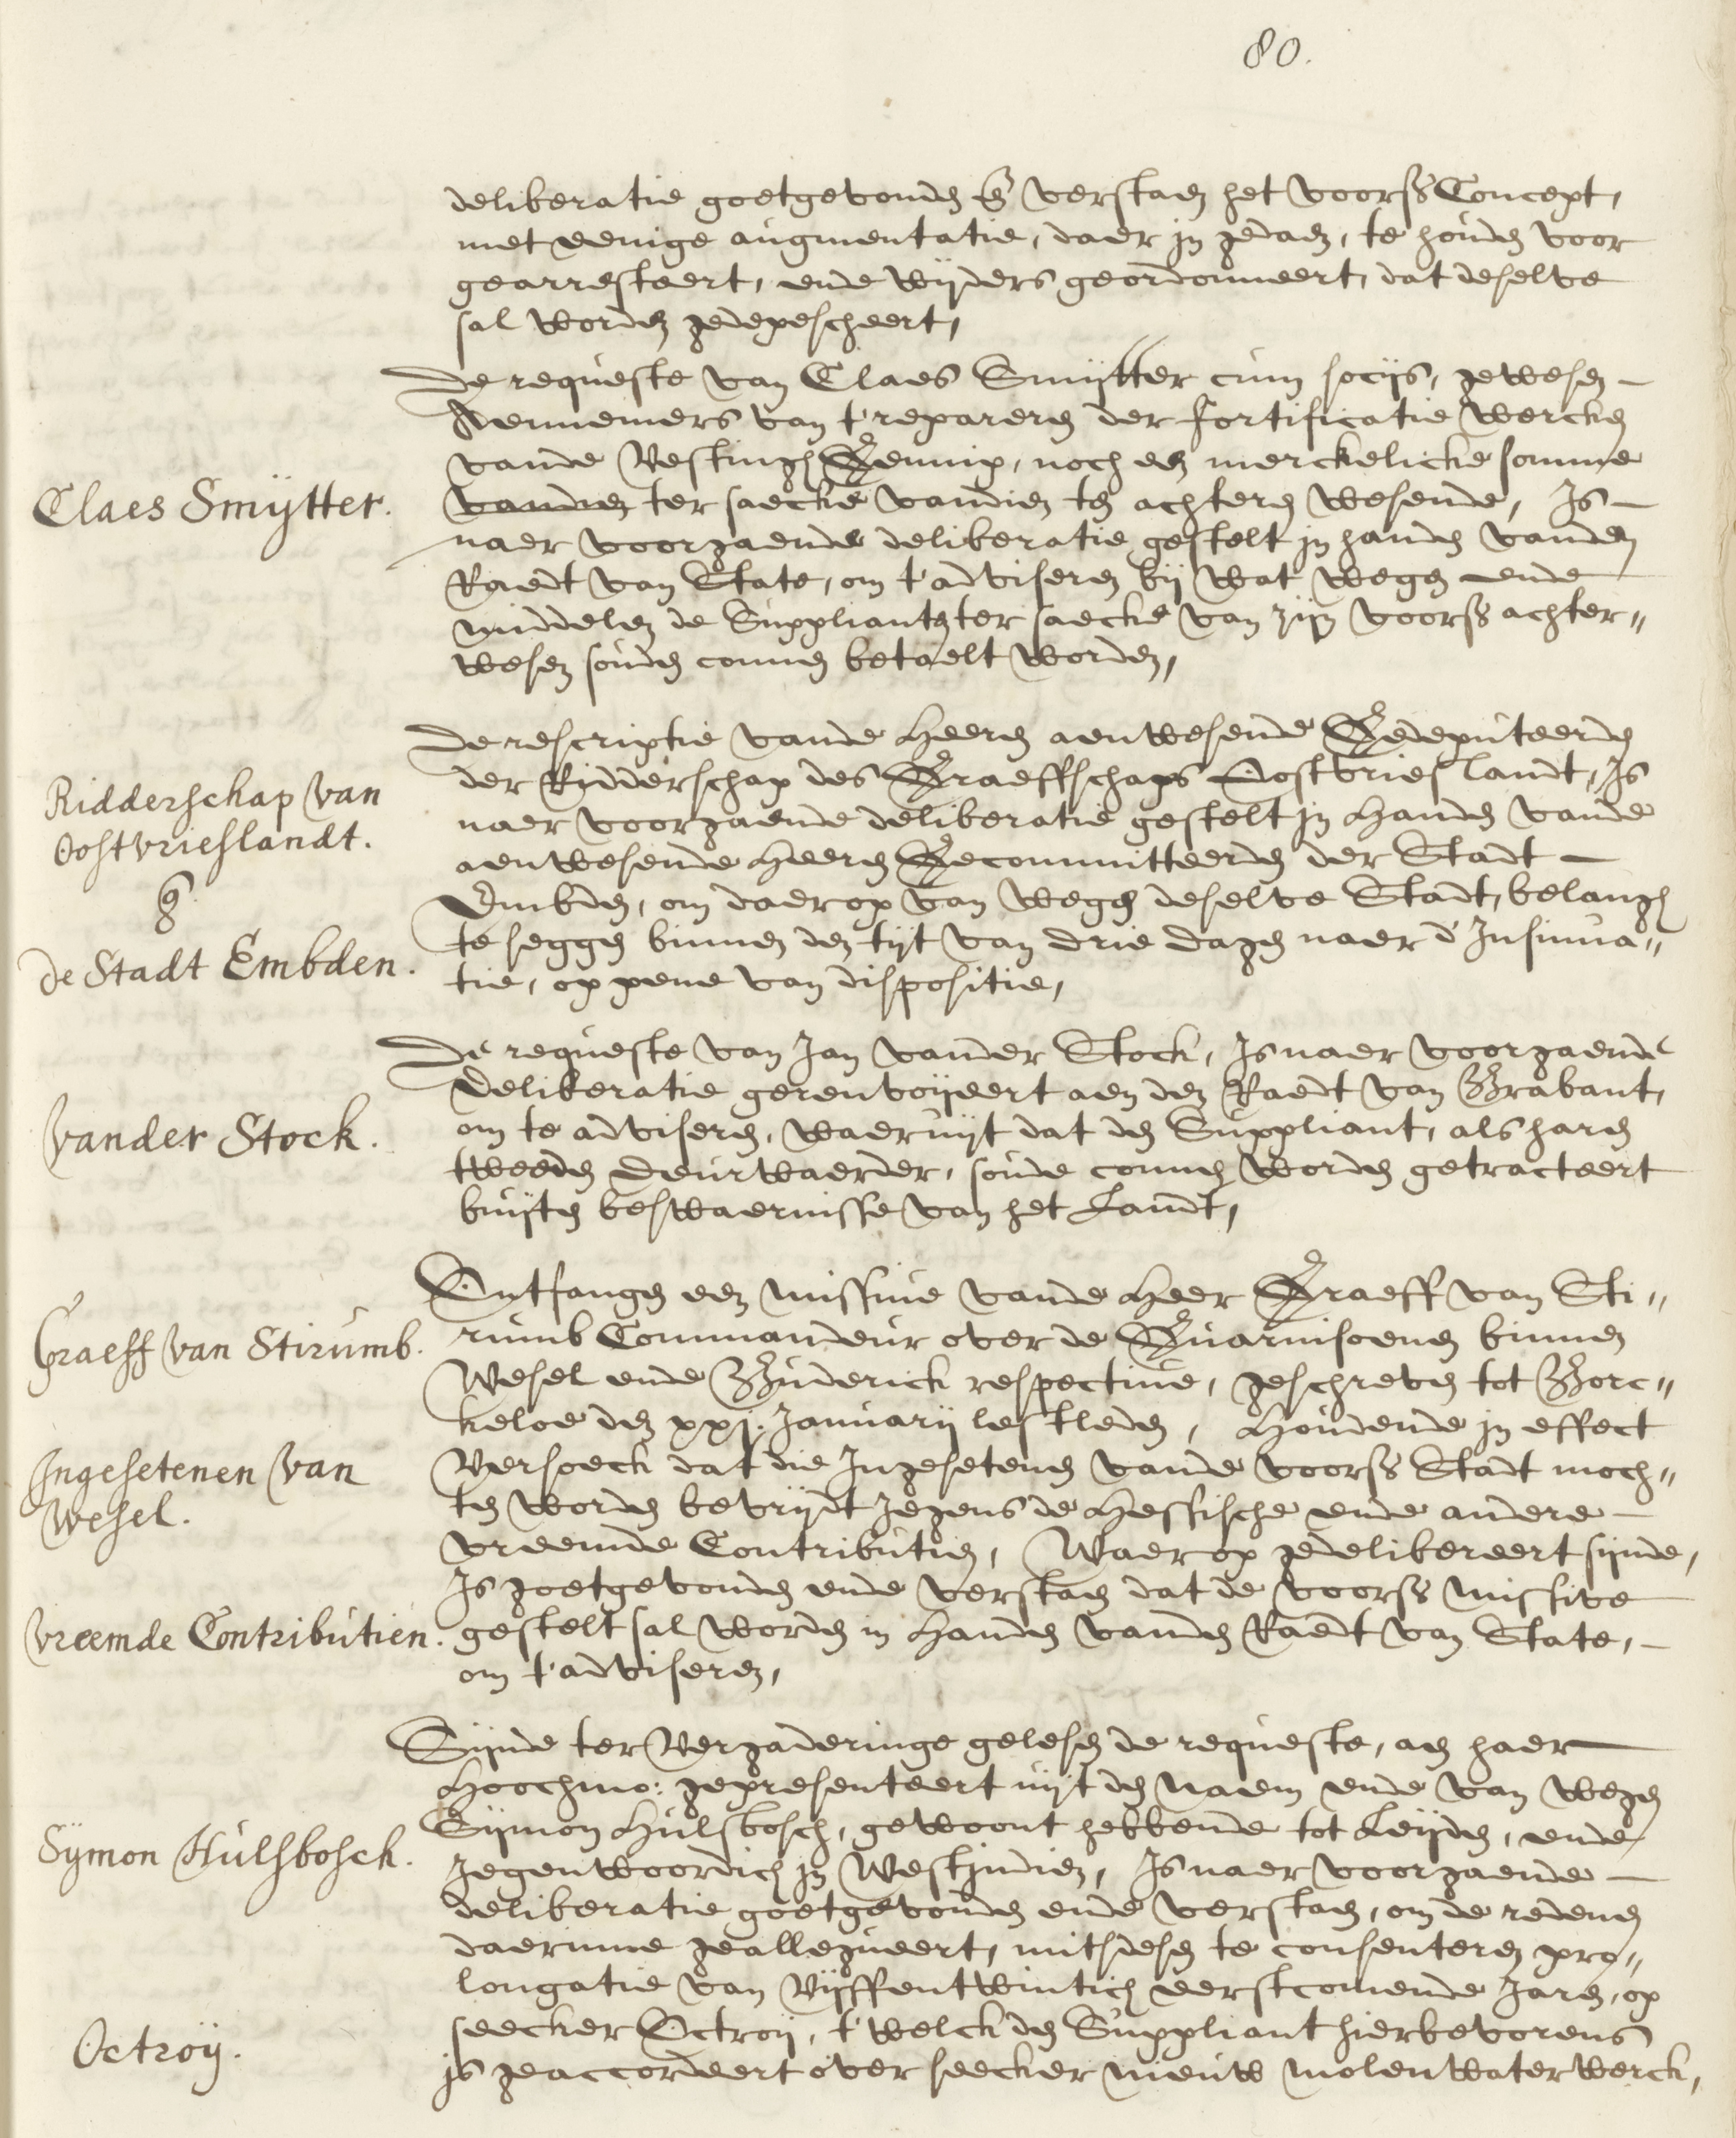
80.
deliberatie goetgevonden & verstaen het voors Concept,
met eenige augmentatie, daer in gedaen, te houden voor
gearresteert, ende wijders geordonneert, dat deselve
sal worden gedepescheert.
Claes Smijtter.
De requeste van Claes Smijtter cum socijs, gewesen
Aenemers van t'repareren der fortificatie wercken
vande Vestingh Gennep, noch een merckelicke somme
vandien ter saecke vandien ten achteren wesende, Is —
naer voorgaende deliberatie gestelt in handen vanden
Raedt van State, om t'adviseren bij wat wegen ende
middelen de Supplianten ter saecke van zijn voors achter„
wesen souden connen betaelt worden.
Ridderschap van
Oostvrieslandt.
Ca
de Stadt Embden.
De rescriptie vande heeren aenwesende Gedeputeerden
der Ridderschap des Graeffschaps Oostvrieslandt, Is
naer voorgaende deliberatie gestelt in handen vande
aenwesende heeren Gecommitteerden der Stadt —
Embden, om daerop van wegen deselve Stadt, belangh
te seggen binnen den tijt van drie Dagen naer d'Insinua„
tie, op pene van dispositie.
Vander Stock.
De requeste van Jan vander Stock, Is naer voorgaende
deliberatie gerenvoijeert aen den Raedt van Brabant,
om te adviseren, waeruijt dat den Suppliant, als haren
tweeden Deurwaerder, soude connen worden getracteert
buijten beswaernisse van het Landt.
Graeff van Stirumb:
Ingesetenen van
Wesel.
Vreemde Contributien.
Ontfangen een missiue vande heer Graeff van Sti„
rumb Commandeur over de Guarnisoenen binnen
Wesel ende Buderick respectiue, geschreven tot Borc„
keloe den xxi. Januarij lestleden, houdende in effect
Versoeck dat die Ingesetenen vande voors Stadt moch„
ten worden bevrijdt Jegens de Hessische ende andere
vreemde Contributien. Waerop gedelibereert sijnde,
Is goetgevonden ende verstaen dat de voors missive
gestelt sal worden in handen vanden Raedt van State, -
om t‛ adviseren.
Sijmon Hulsbosch
Octroij.
Sijnde ter Vergaderinge gelesen de requeste, aen haer
Hoochmo: gepresenteert uijt den naem ende van wegen
Sijmon Hulsbosch, gewoont hebbende tot Leijden, ende
Jegenwoordich in Westindien. Is naer voorgaende
deliberatie goetgevonden ende verstaen, om de redenen
daerinne geallegueert, mitsdesen te consenteren pro„
longatie van vijffentwintich eerstcomende Jaren, op
seecker Octroij, t'welck den Suppliant hierbevorens
is geaccordeert over seecker nieuw molenwaterwerck,
